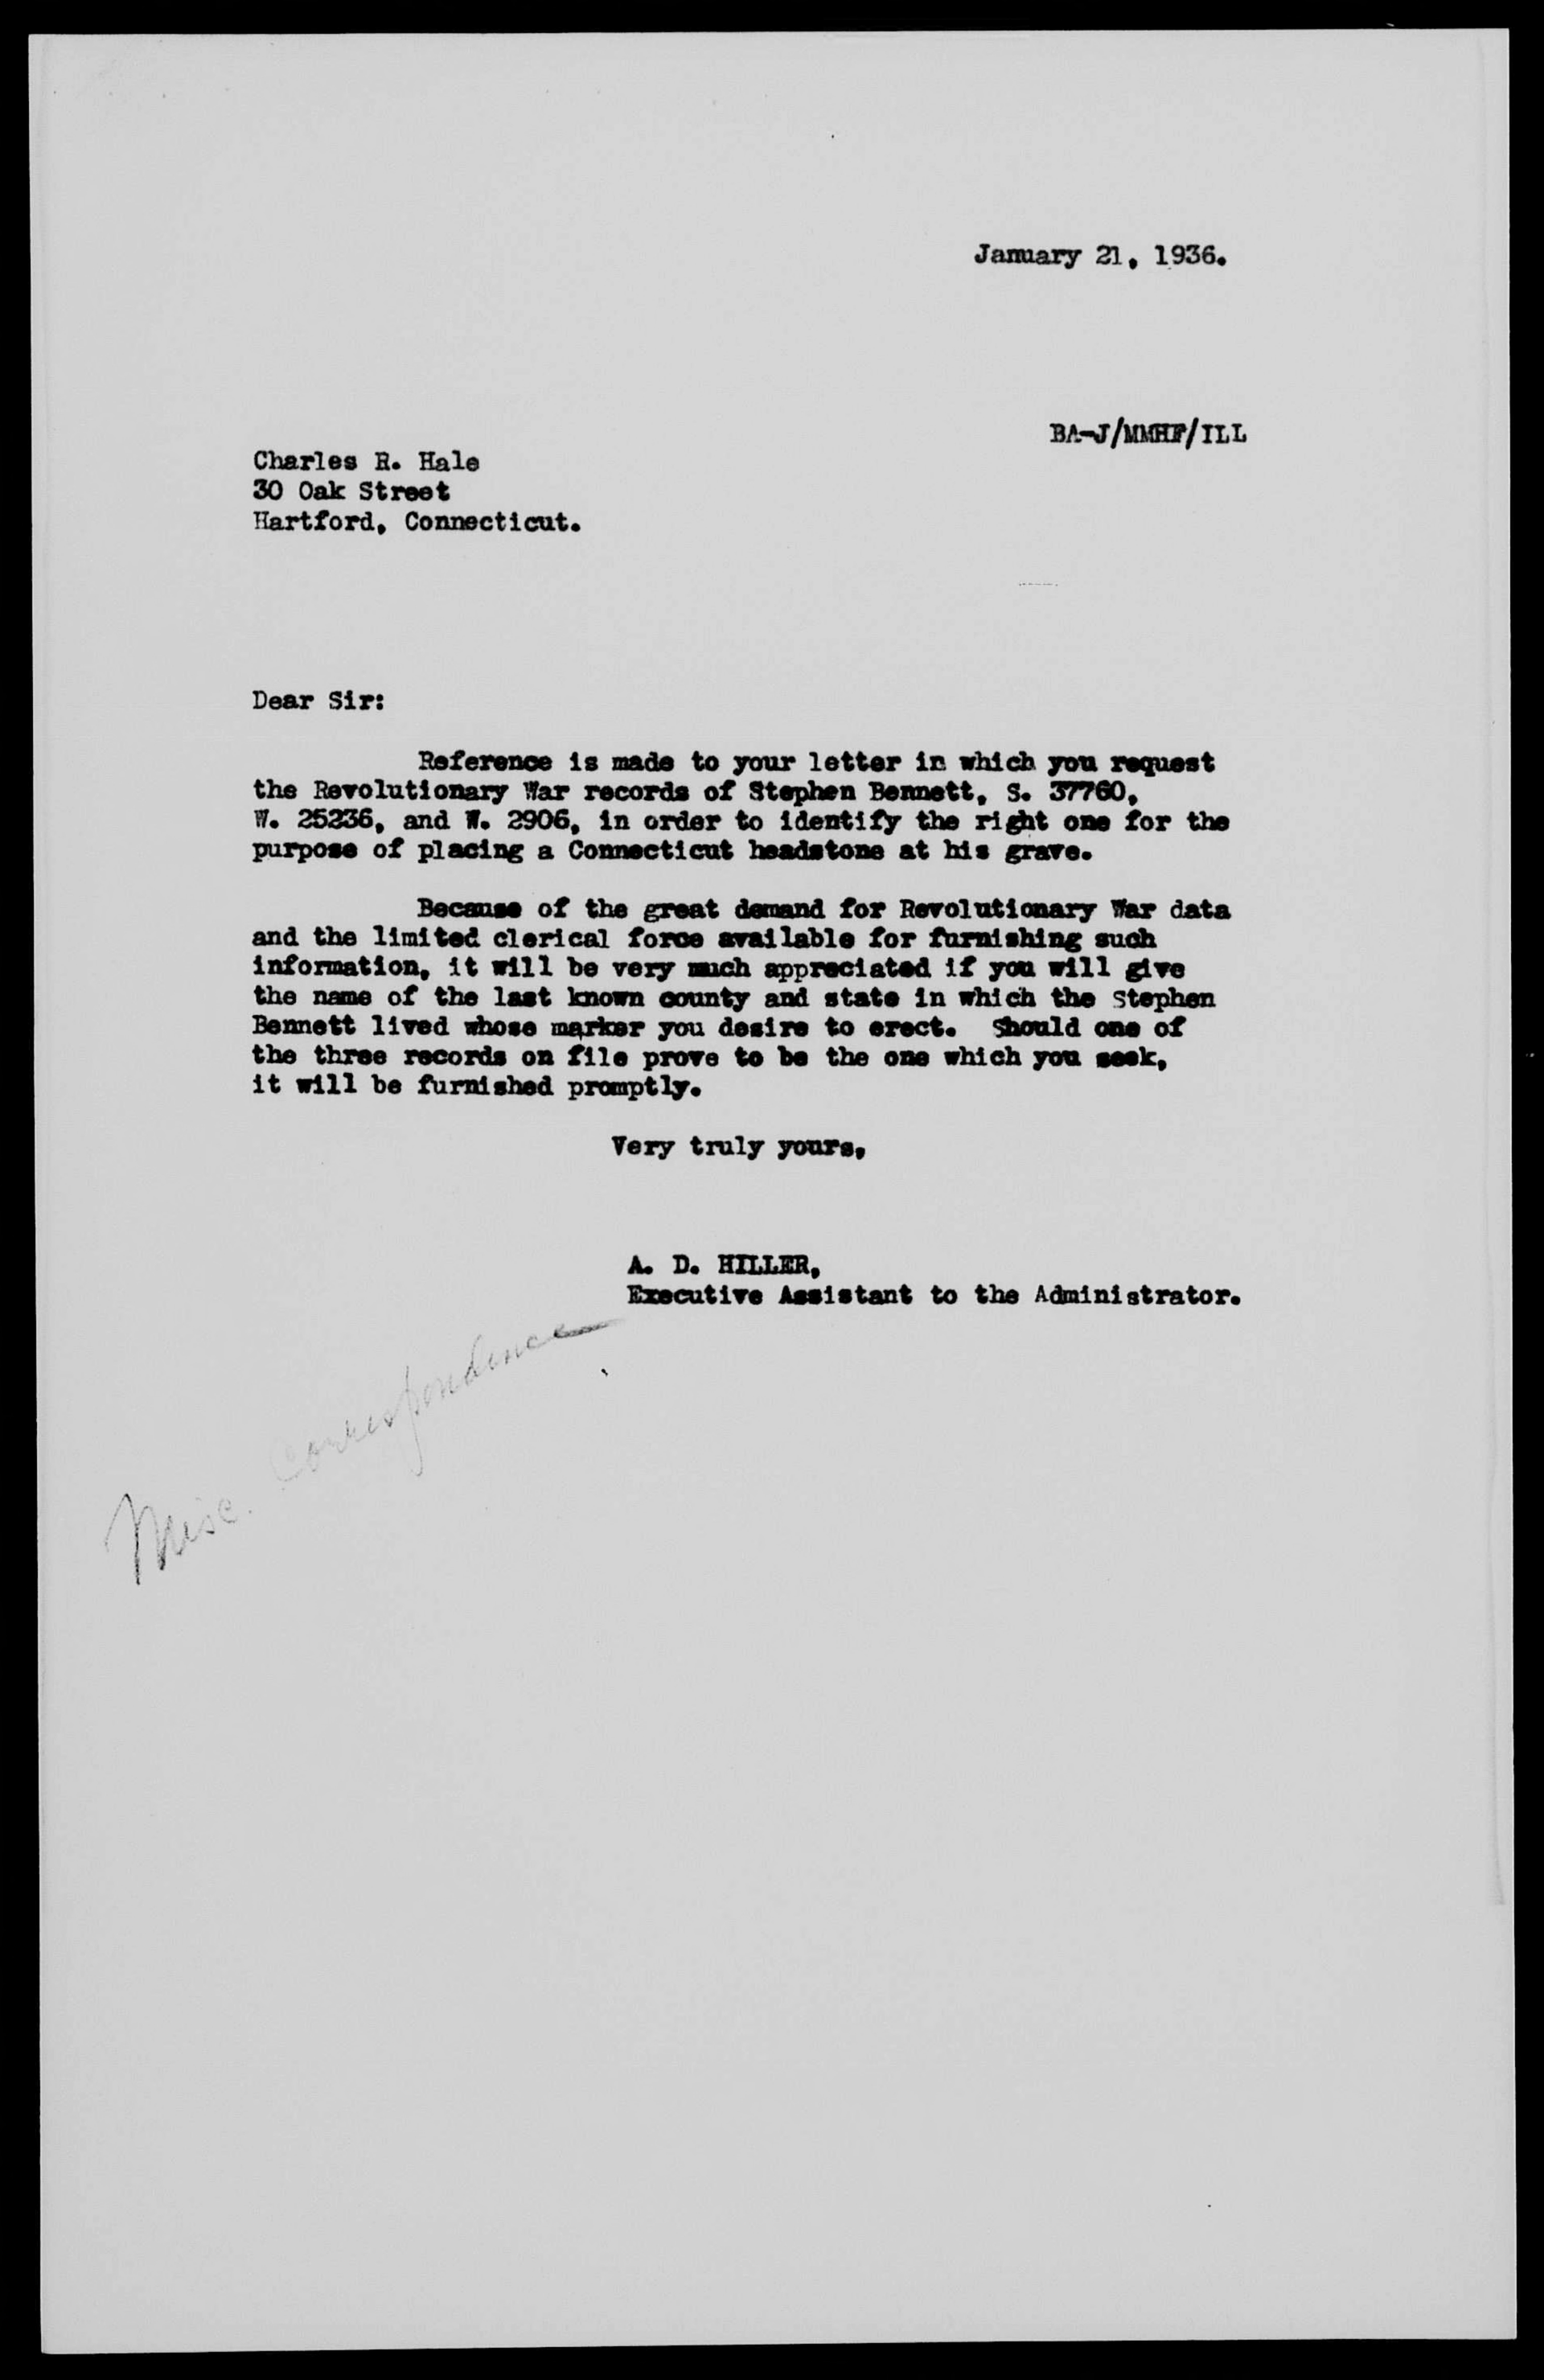January 21, 1936. BA-J/MMHF/ILL Charles R. Hale 30 Oak Street Hartford, Connecticut. Dear Sir: Reference is made to your letter in which you request the Revolutionary War records of Stephen Bennett, S. 37780, W. 25236, and W. 2906, in order to identify the right one for the purpose of placing a Connecticut headstone at his grave. Because of the great demand for Revolutionary War data and the limited clerical force available for furnishing such information, it will be very much appreciated if you will give the name of the last known county and state in which the Stephen Bennett lived whose marker you desire to erect. Should one of the three records on file prove to be the one which you seek, it will be furnished promptly. Very truly yours, A. D. HILLER, Executive Assistant to the Administrator. Misc. Correspondence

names: Stephen Bennett, Stephen Bennett, A D Hiller, Charles R Hale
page: 75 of 79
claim: widow's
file: W. 2,906, Stephen Bennet, Conn.